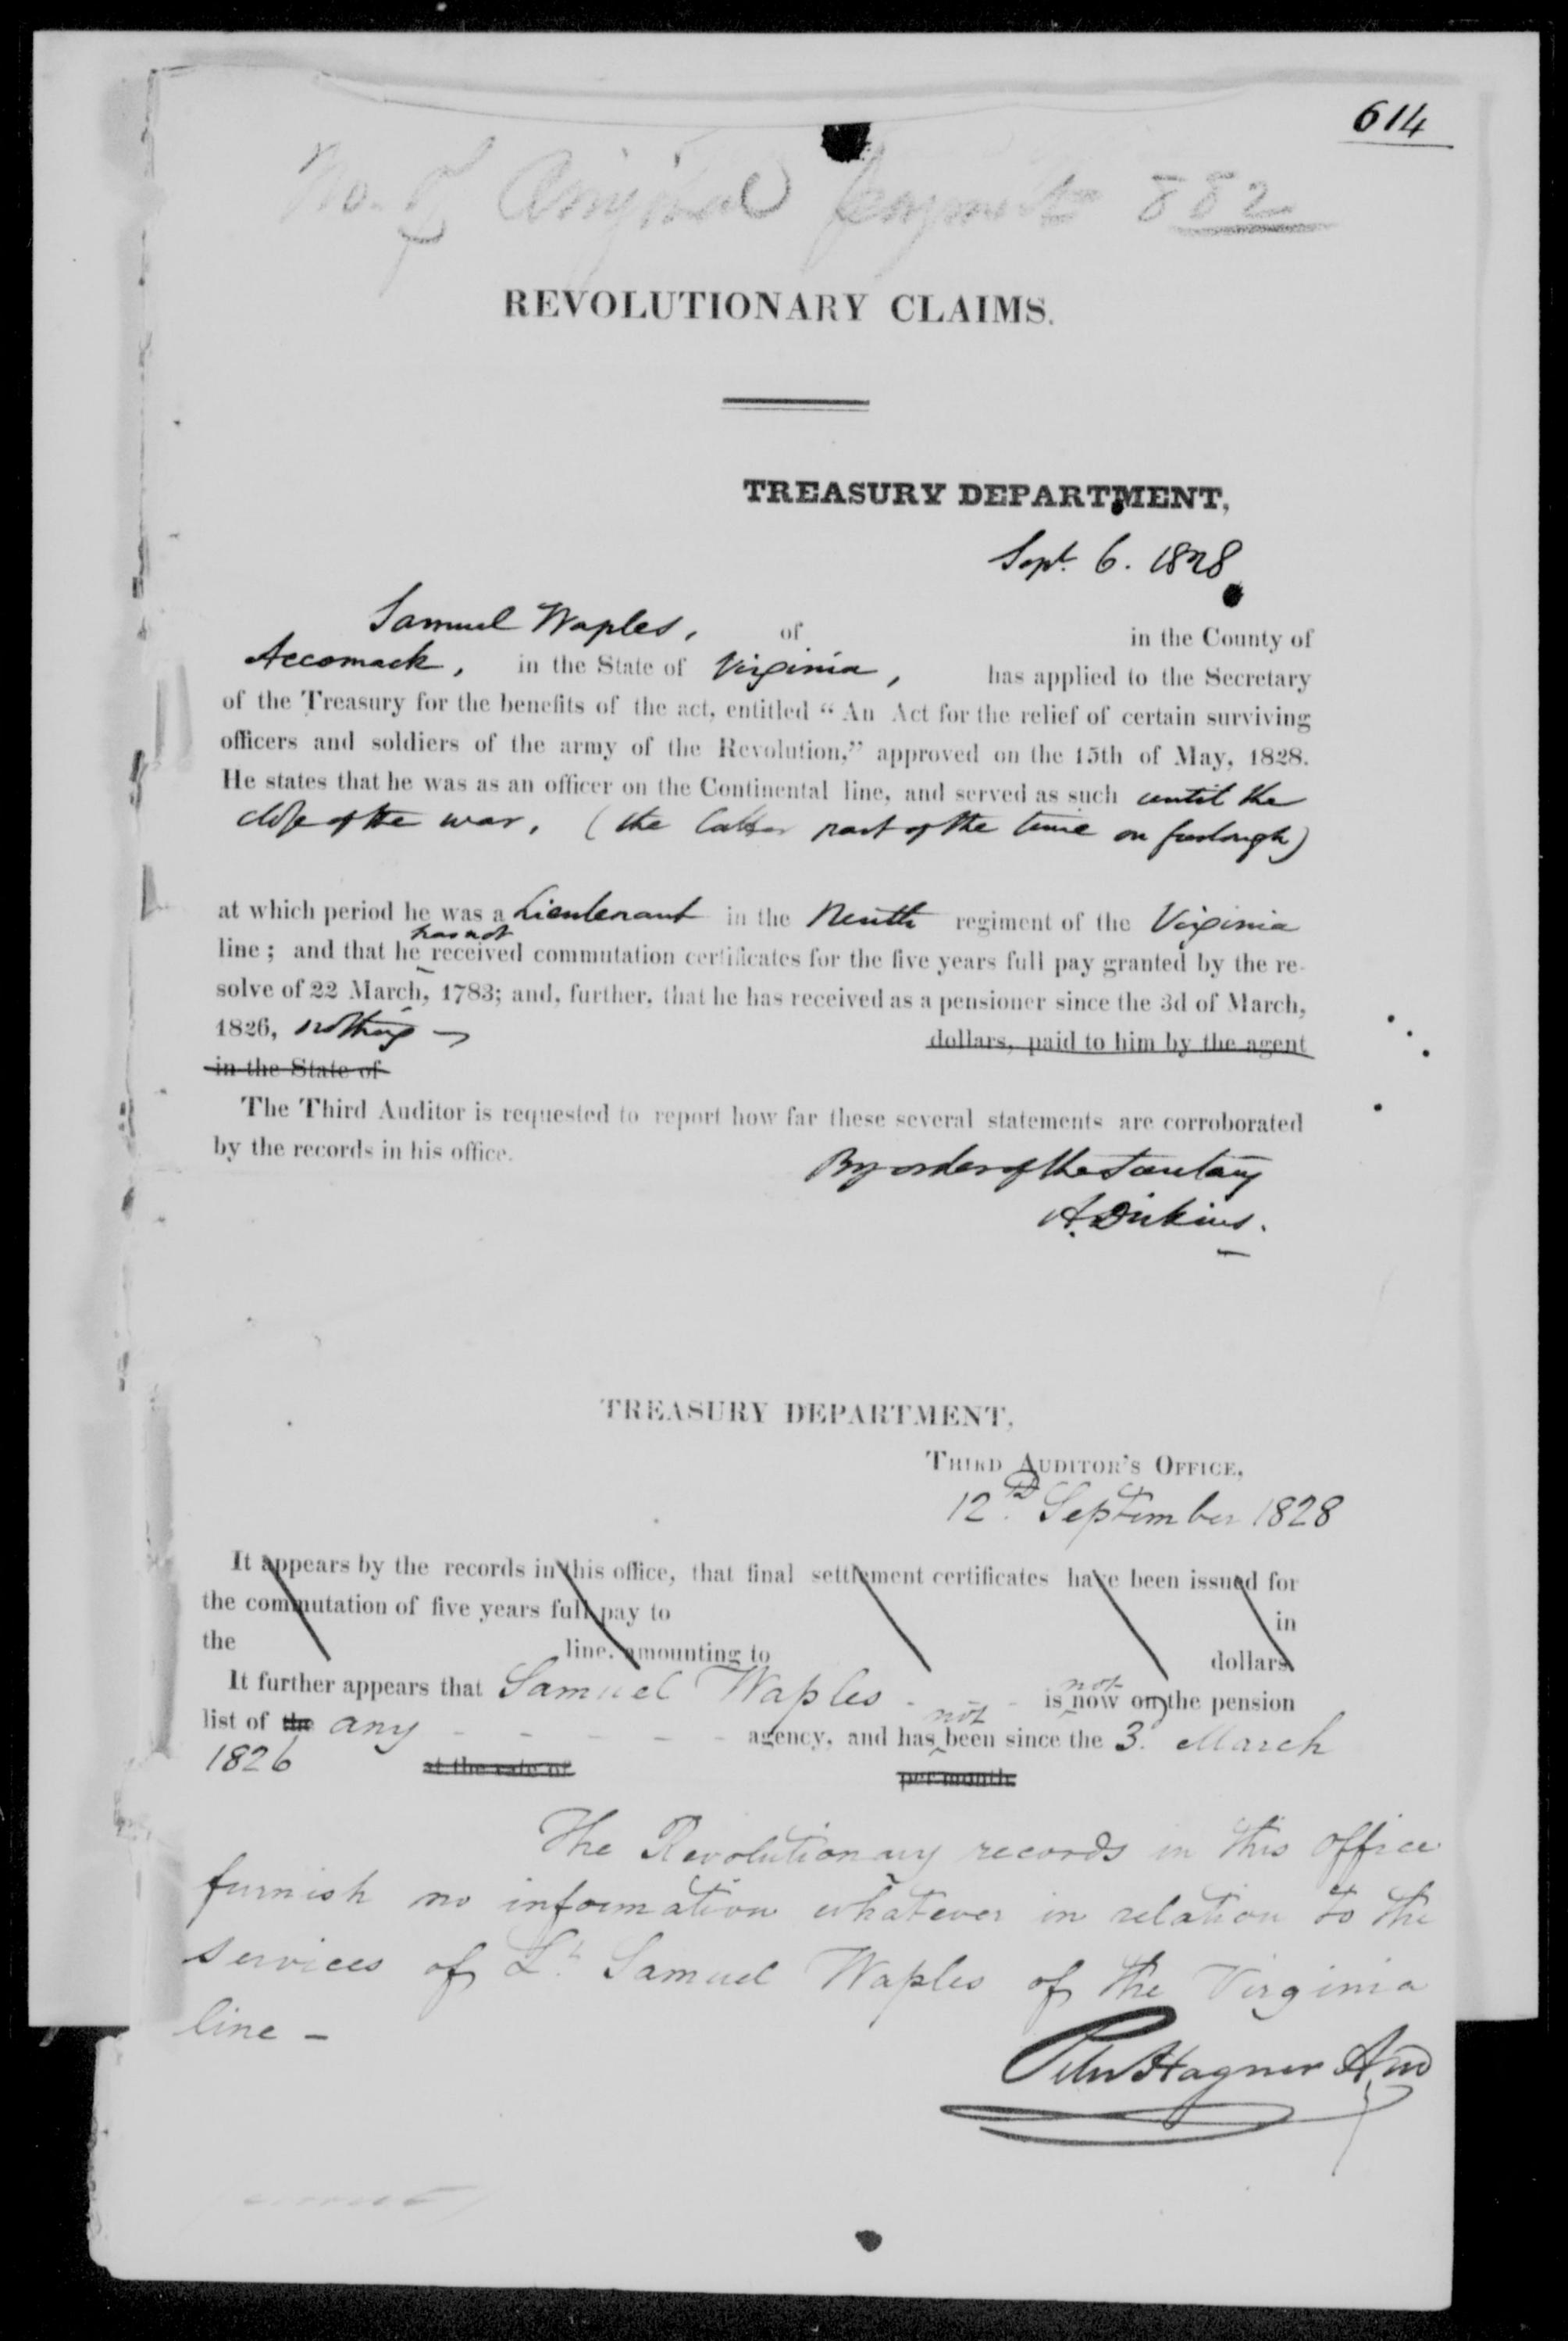614
No. of Original payment 882
REVOLUTIONARY CLAIMS.

TREASURY DEPARTMENT,
Sept. 6, 1828

Samuel Waples, of - in the County of Accomack, in the State of Virginia, has applied to the Secretary of the Treasury for the benefits of the act, entitled "An Act for the relief of certain surviving officers and soldiers of the army of the Revolution," approved on the 15th of May, 1828. He states that he was an officer on the Continental line, and served as such until the close of the war, (the latter part of the time on furlough)
at which period he was a Lieutenant in the Ninth regiment of the Virginia line; and that he has not received commutation certificates for the five years full pay granted by the resolve of 22 March, 1783; and, further, that he has received as a pensioner since the 3d of March, 1826, nothing ~
The Third Auditor is requested to report how far these several statements are corroborated by the records in his office. 
By order of the Secretary
A. Dinkins.

TREASURY DEPARTMENT,
THIRD AUDITOR'S OFFICE,
12th September 1828
It further appears that Samuel Waples is not now on the pension list of any --- agency, and has not been since the 3d. March 1826
The Revolutionary records in this Office furnish no information whatever in relation to the services of Lt. Samuel Waples of the Virginia line - Peter Hagner Aud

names: Peter Hagner, Samuel Waples, Samuel Waples, A Dickins, Samuel Waples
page: 45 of 59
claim: widow's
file: W. 6427, Samuel Waples, Va.